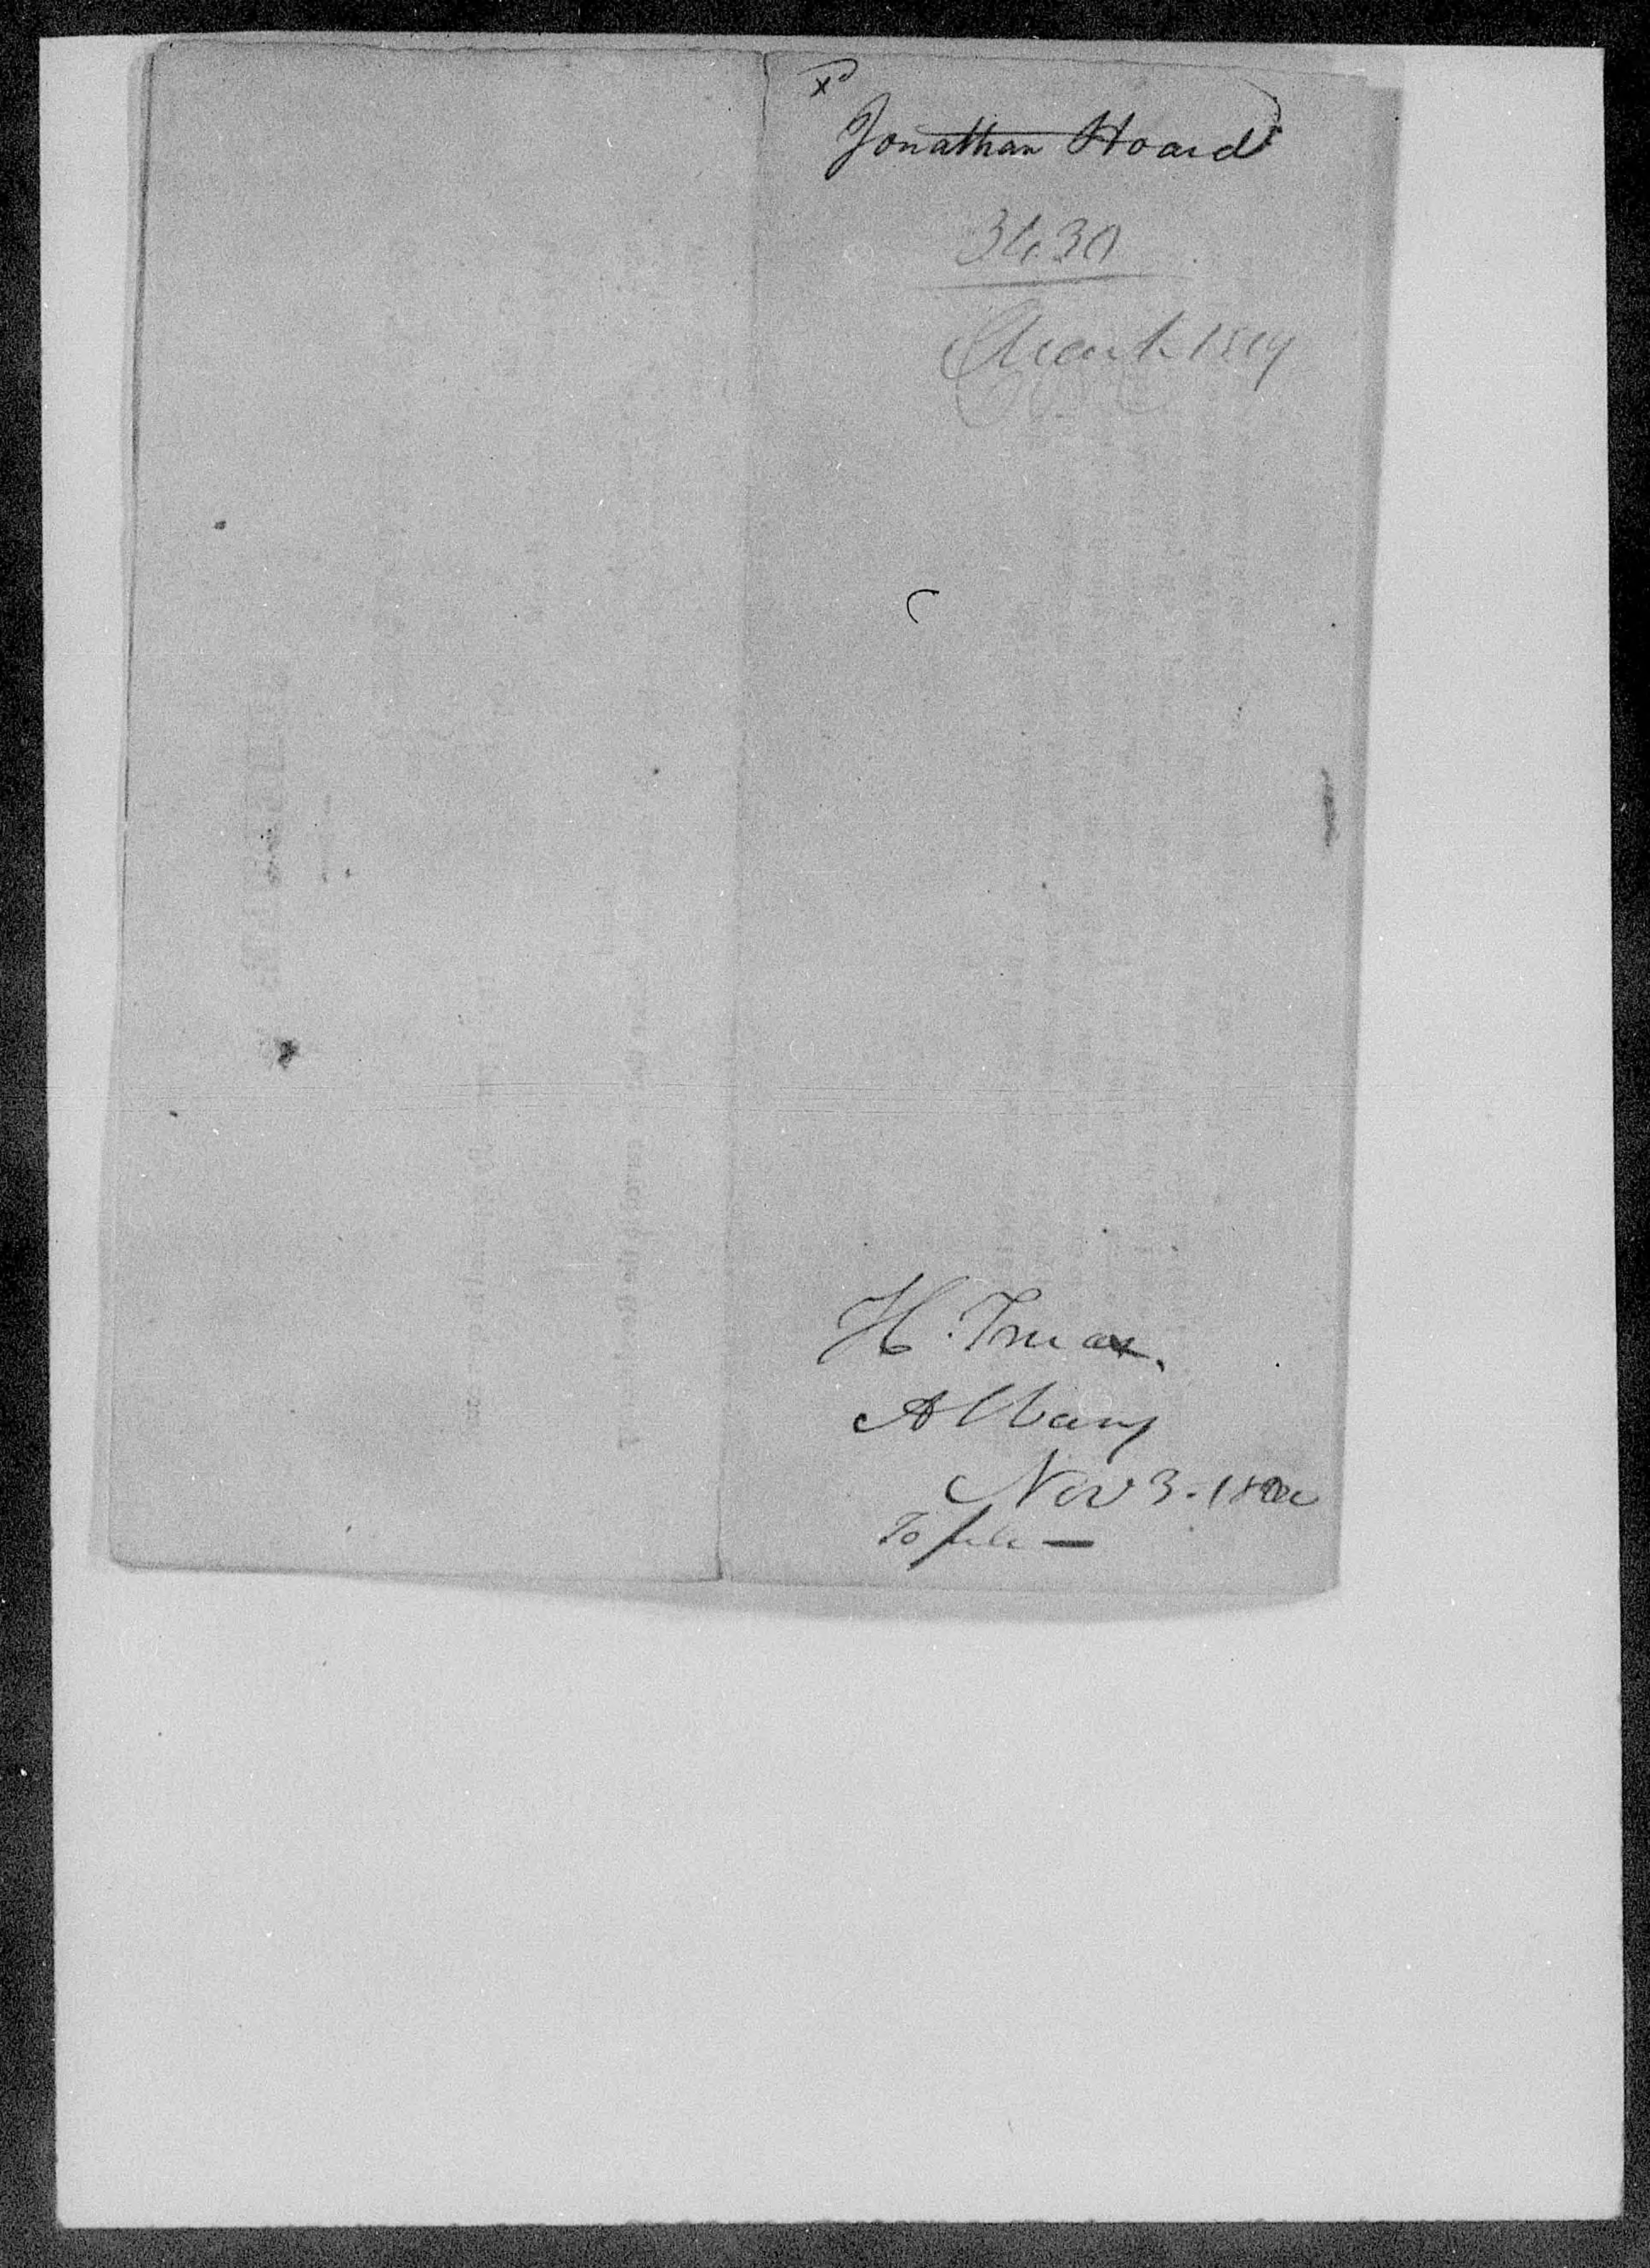Jonathan Hoard
3630

Accord 1814 (?)

H. Truax
Albany
Nov 3, 1820 (?)
To file-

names: H Truax, Jonathan Hoard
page: 6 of 52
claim: widow's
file: W 19755, Jonathan Hoard, Mass.